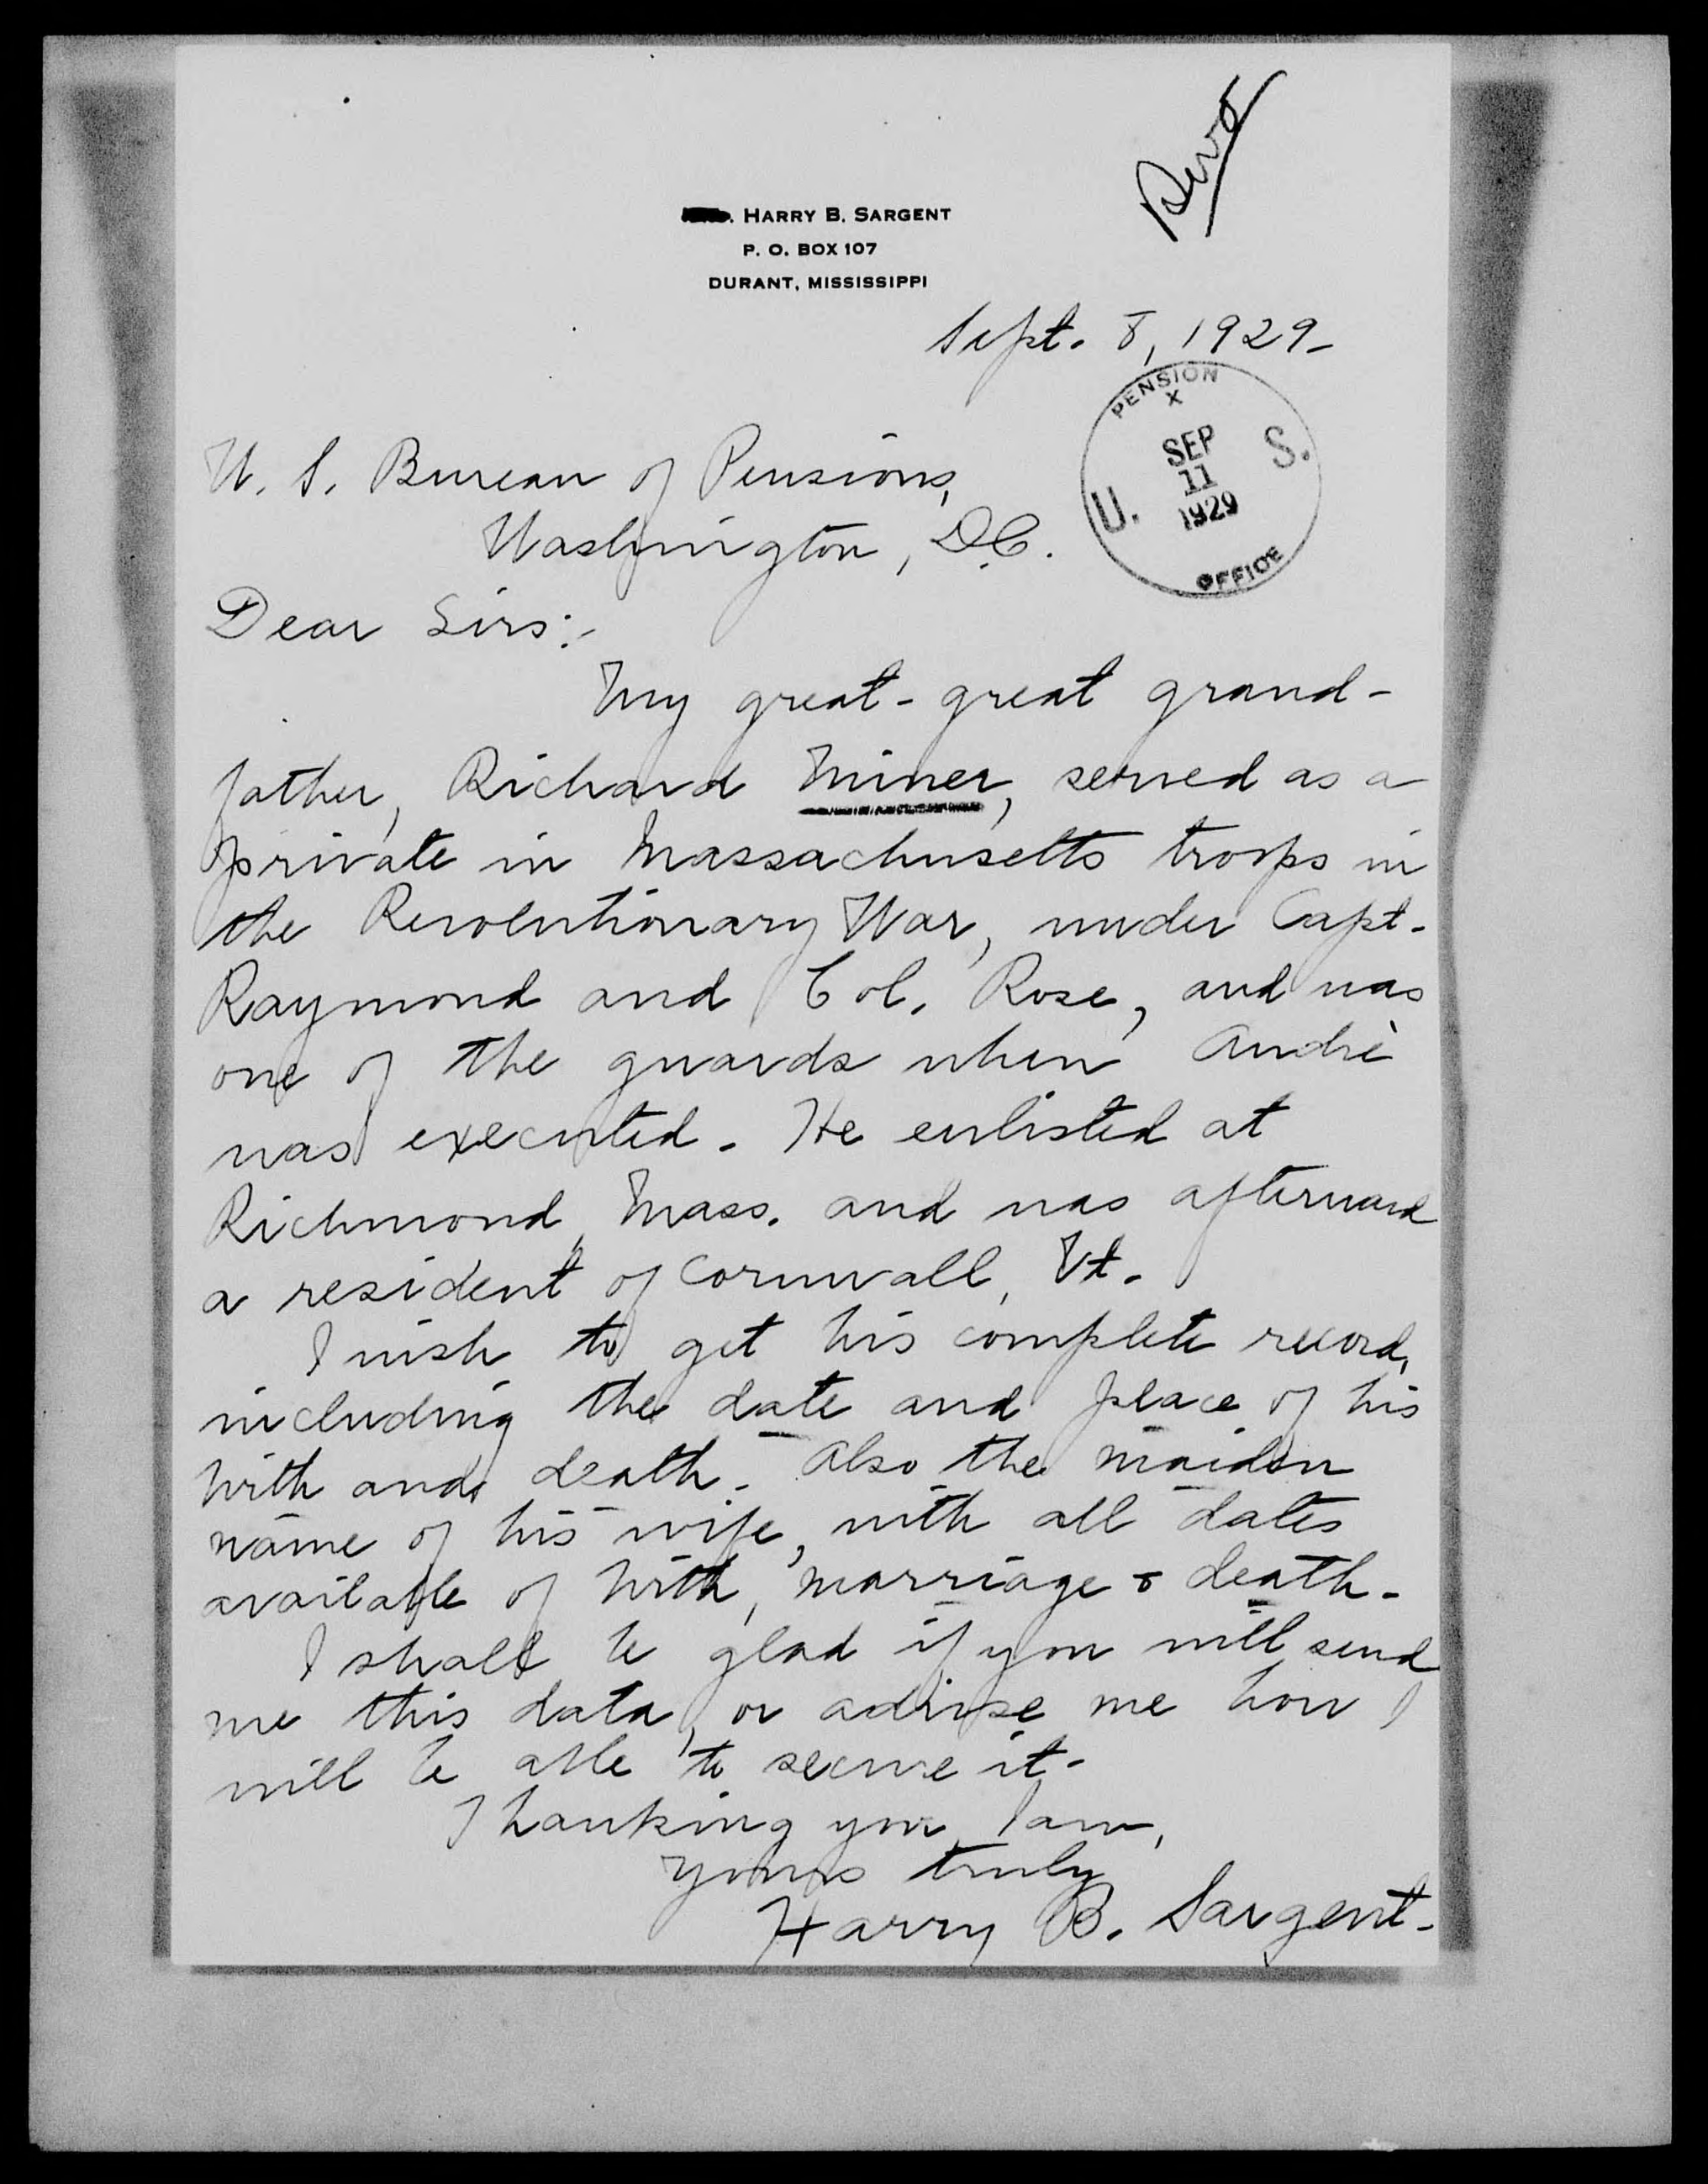Harry B. Sargent P.O. Box 107 Durant, Mississippi
Sept. 8, 1929
Sept 11 1929 U.S. Pension Office
U. S. Bureau of Pensions, Washington, D.C.
Dear Sirs:
My great-great grandfather, Richard Miner, served as a private in Massachusetts troopsin the Revolutionary War, under Capt. Raymond and Col. Rose, and was one of the guards when Andre was executed. He enlisted at Richmond, Mass. and was afterward a resident of Cornwall, Vt. 
I wish to get his complete record, including the date and place of his birth and death. Also the maiden name of his wife, with all dates available of birth, marriage and death. 
I shall be glad if you will send me this data, or advise me how I will be able to secure it. 
Thanking you, I am yours truly, Harry B. Sargent.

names: [BLANK] Rose; Harry B Sargent; Richard Miner; [BLANK] Raymond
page: 14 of 34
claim: survivor's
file: S. 13944, for Richard Miner, Massachusetts